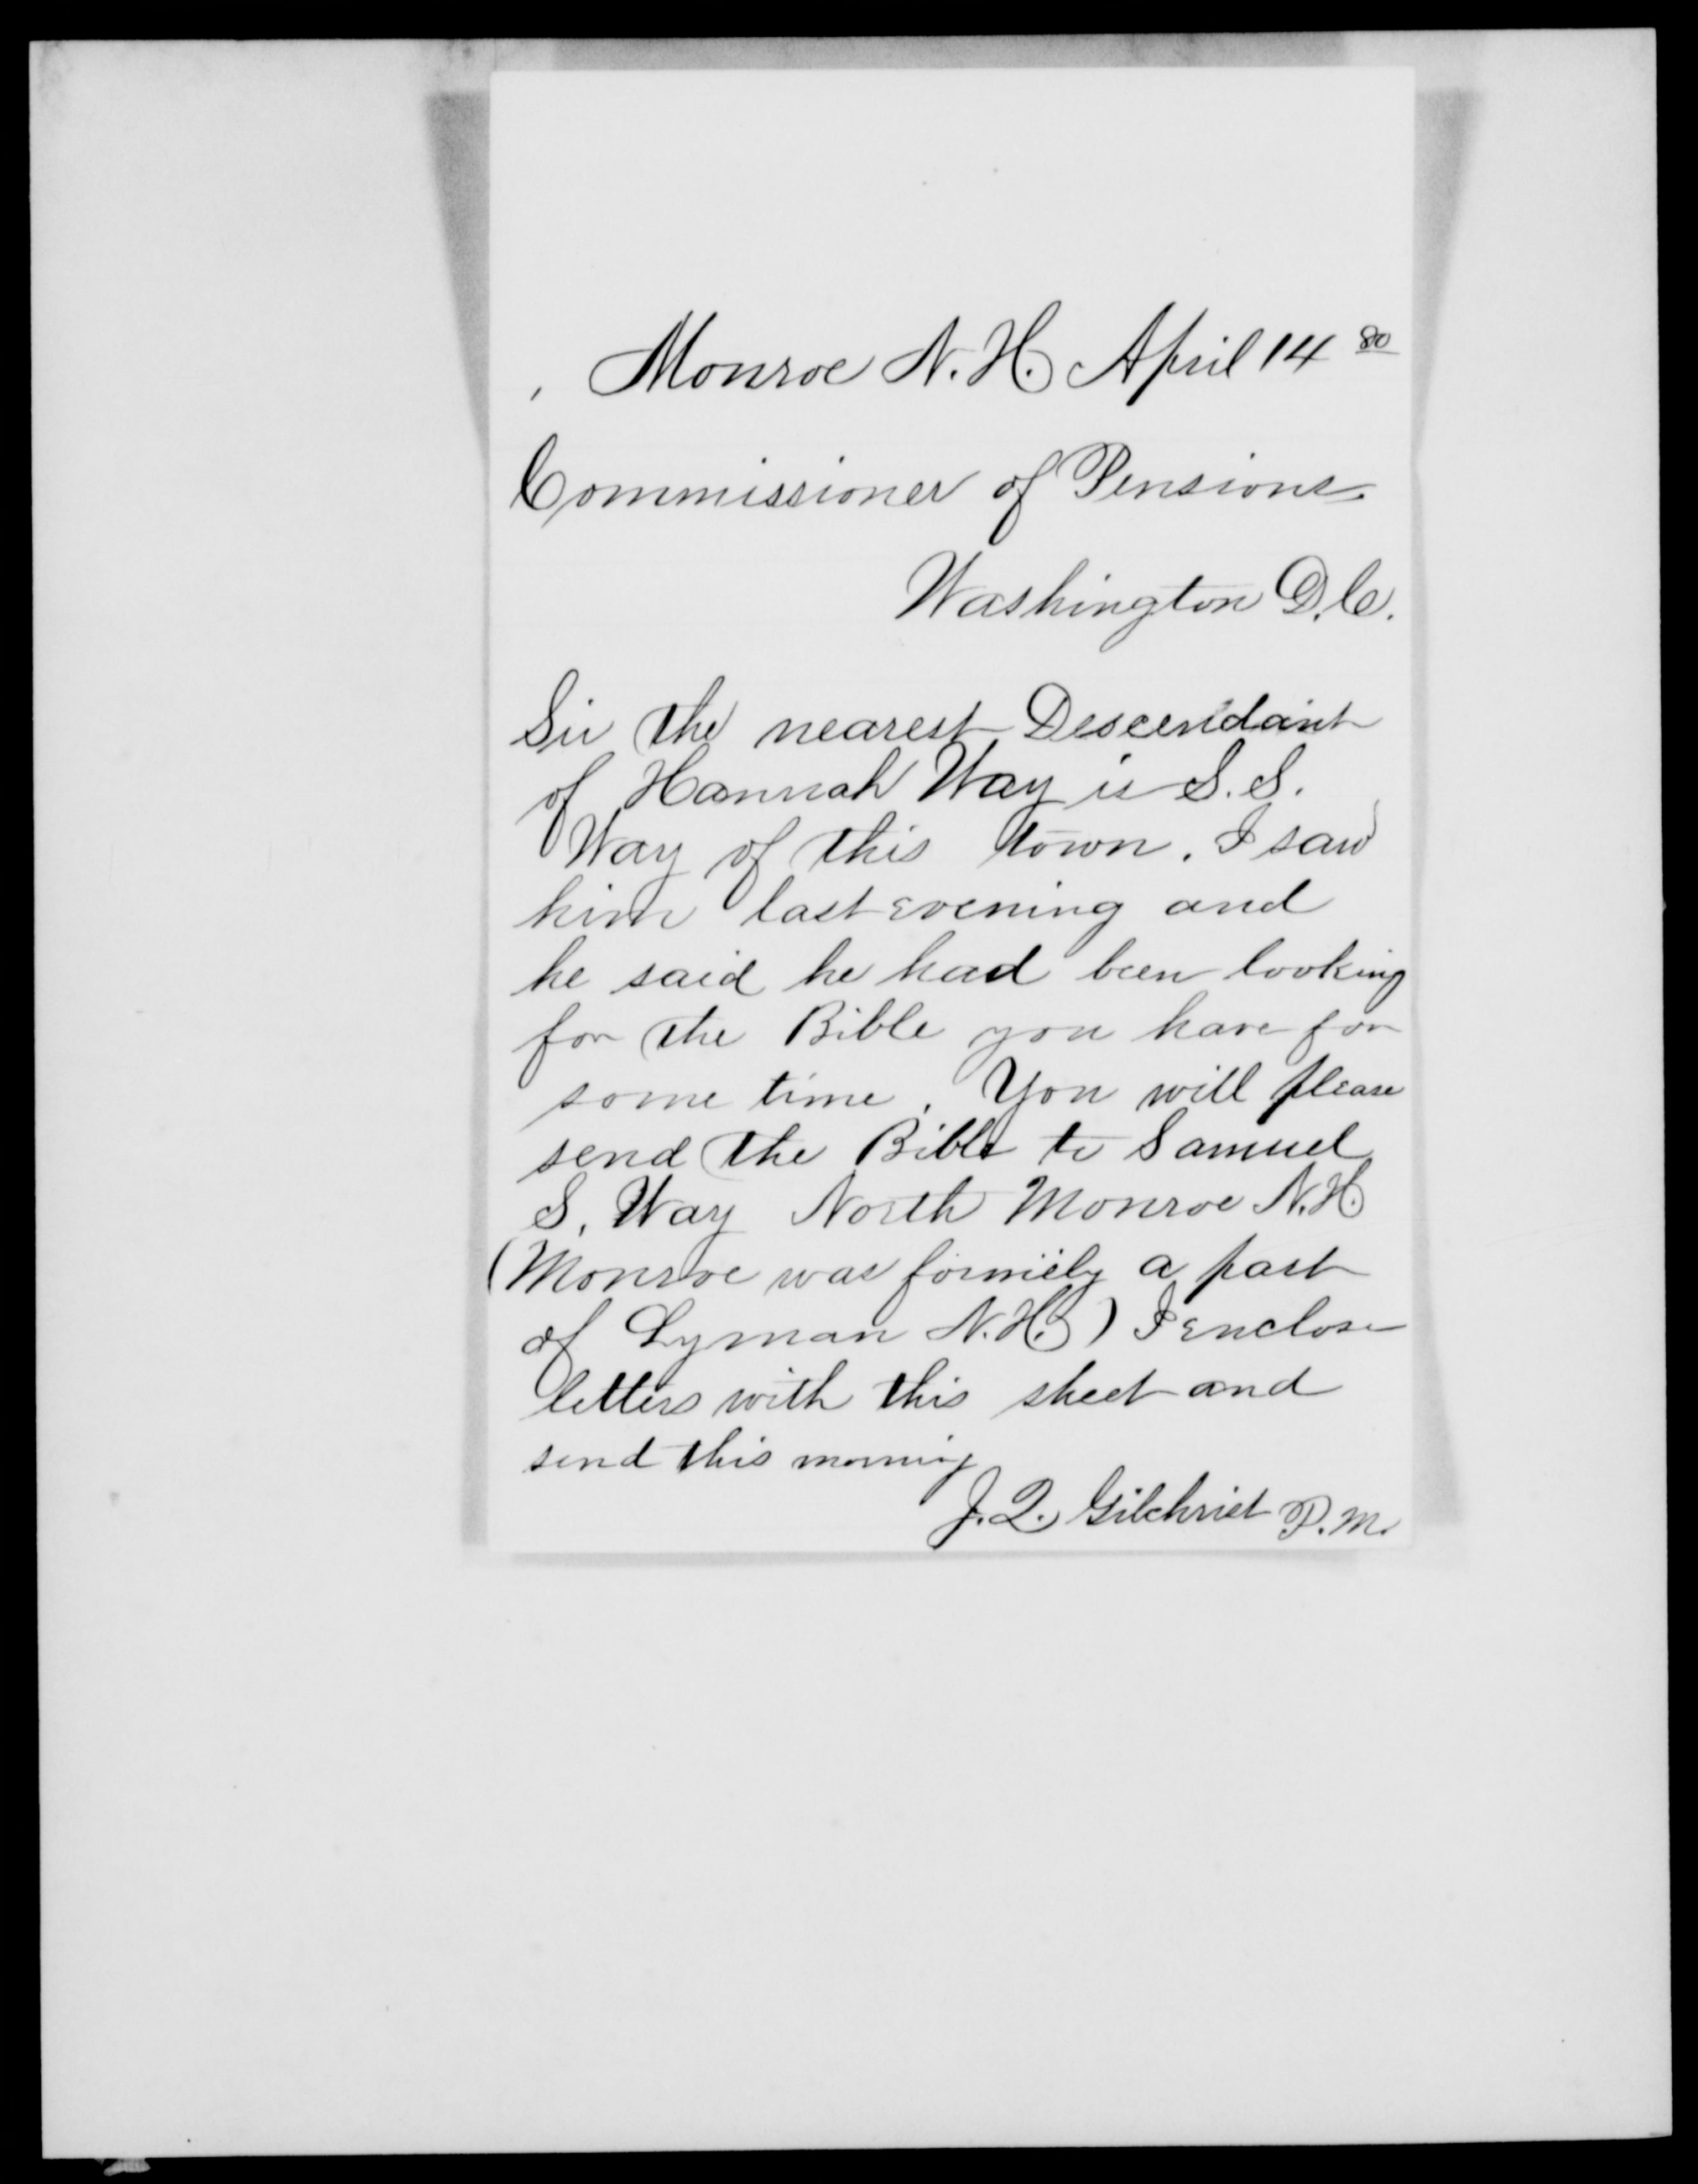Monroe N.H. April 14 80
Commissioner of Pensions,
Washington D.C.
Sir the nearest descendant
of
Hannah Way is S.S.
way of this town. I saw
him last evening and
he said he had been looking
for the Bible you have for
some time.
You will please
send the Bible to Samuel
S. Way North Monroe N.H.
(Monroe was formely a part of
Lyman N.H.)   I enclose letters
with this sheet and
send this morning.  J. L. Gilchrist P.M.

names: Samuel S Way, Hannah Way, J L Gilchrist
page: 61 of 78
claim: widow's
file: W. 25856, Samuel Way, N.H.